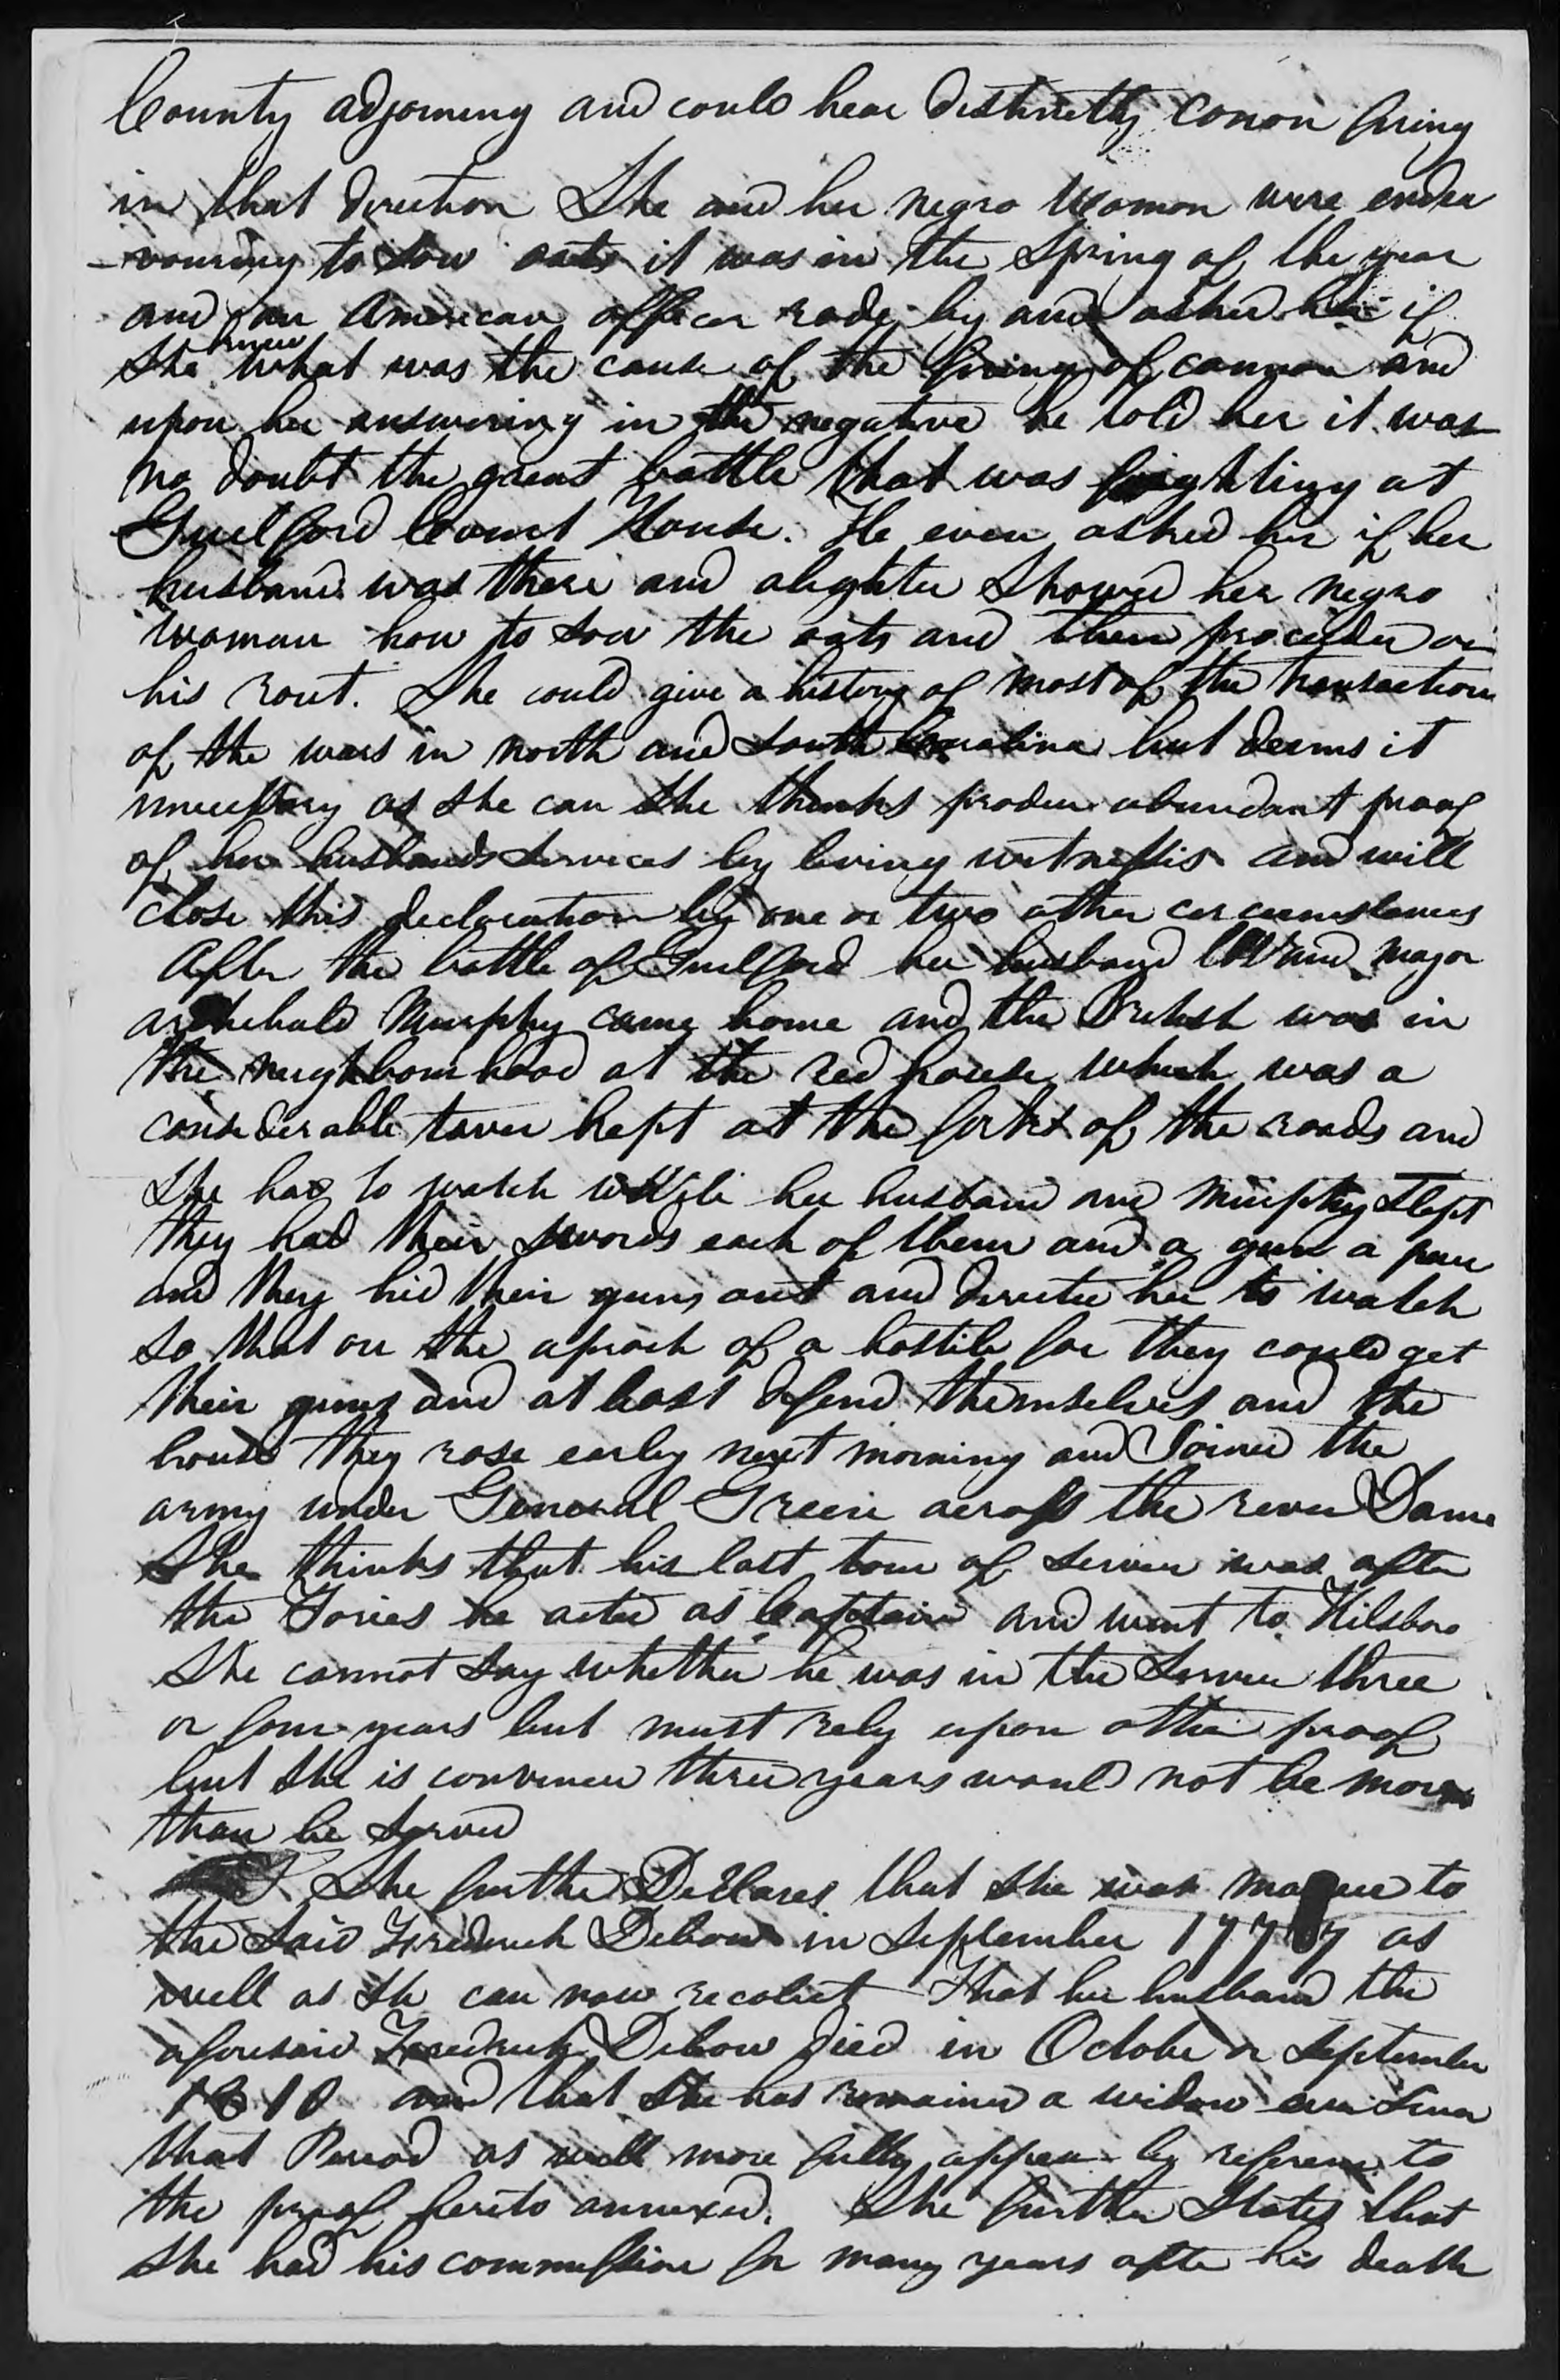County adjoining and could distinctly hear canon firing 
in that Direction. She and her negro woman were even
[illegible] to sow oats as if it was the Spring of the year
And her American officer rode by and asked her if
She knew what was the cause of the firing of canon and 
Upon her answering in the negative he told her it was
No doubt the great battle that was fighting at
Guilford Court House. He even asked her if her 
husband was there and alighten Showed her negro
woman how to sow the oats and then proceeded on 
his rout. She could give a history of most of the transaction
of the wars in North and South Carolina but deems it 
uneccesary as she can She thinks produce abundant [illegible]
of her husbands services by living with [illegible] and will 
close this declaration by one or two other carc[illegible]
After the battle of Guilford her husband [illegible]Major
Arc[illegible] Murphy came home and the [illegible] was in 
The neighborhood at the red house which was a 
[illegible] able [illegible] kept at the fork of the roads and
She had to watch with her husband and military slept 
They had four swords each of them and a gun a [illegible]
And they hid their guns out and directed her to watch 
So that on the approach of a hostile for they could get
Their guns and at last defend themselves and the
House they rose early next morning and joined the 
Army under General Green across the river Same
She cannot say whether he was in the service three
Or four years but must rely upon other proof
Than he serves.
She further Declares that she was married to 
The said Frederick Debow in September 1777 as
Well as she can now recolect.  That her husband 
The aforesaid Frederick Debow died in October or September 
1810 and that she has remained a widow ever since
That period as well more fully appears by references to 
The [illegible] hereto annexed. She further stated that 
She had his com[illegible] in many years after his death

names: Green, Frederick Debow, Fredrick Debow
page: 4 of 62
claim: widow's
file: W 7005, Frederick Debow, N.C.